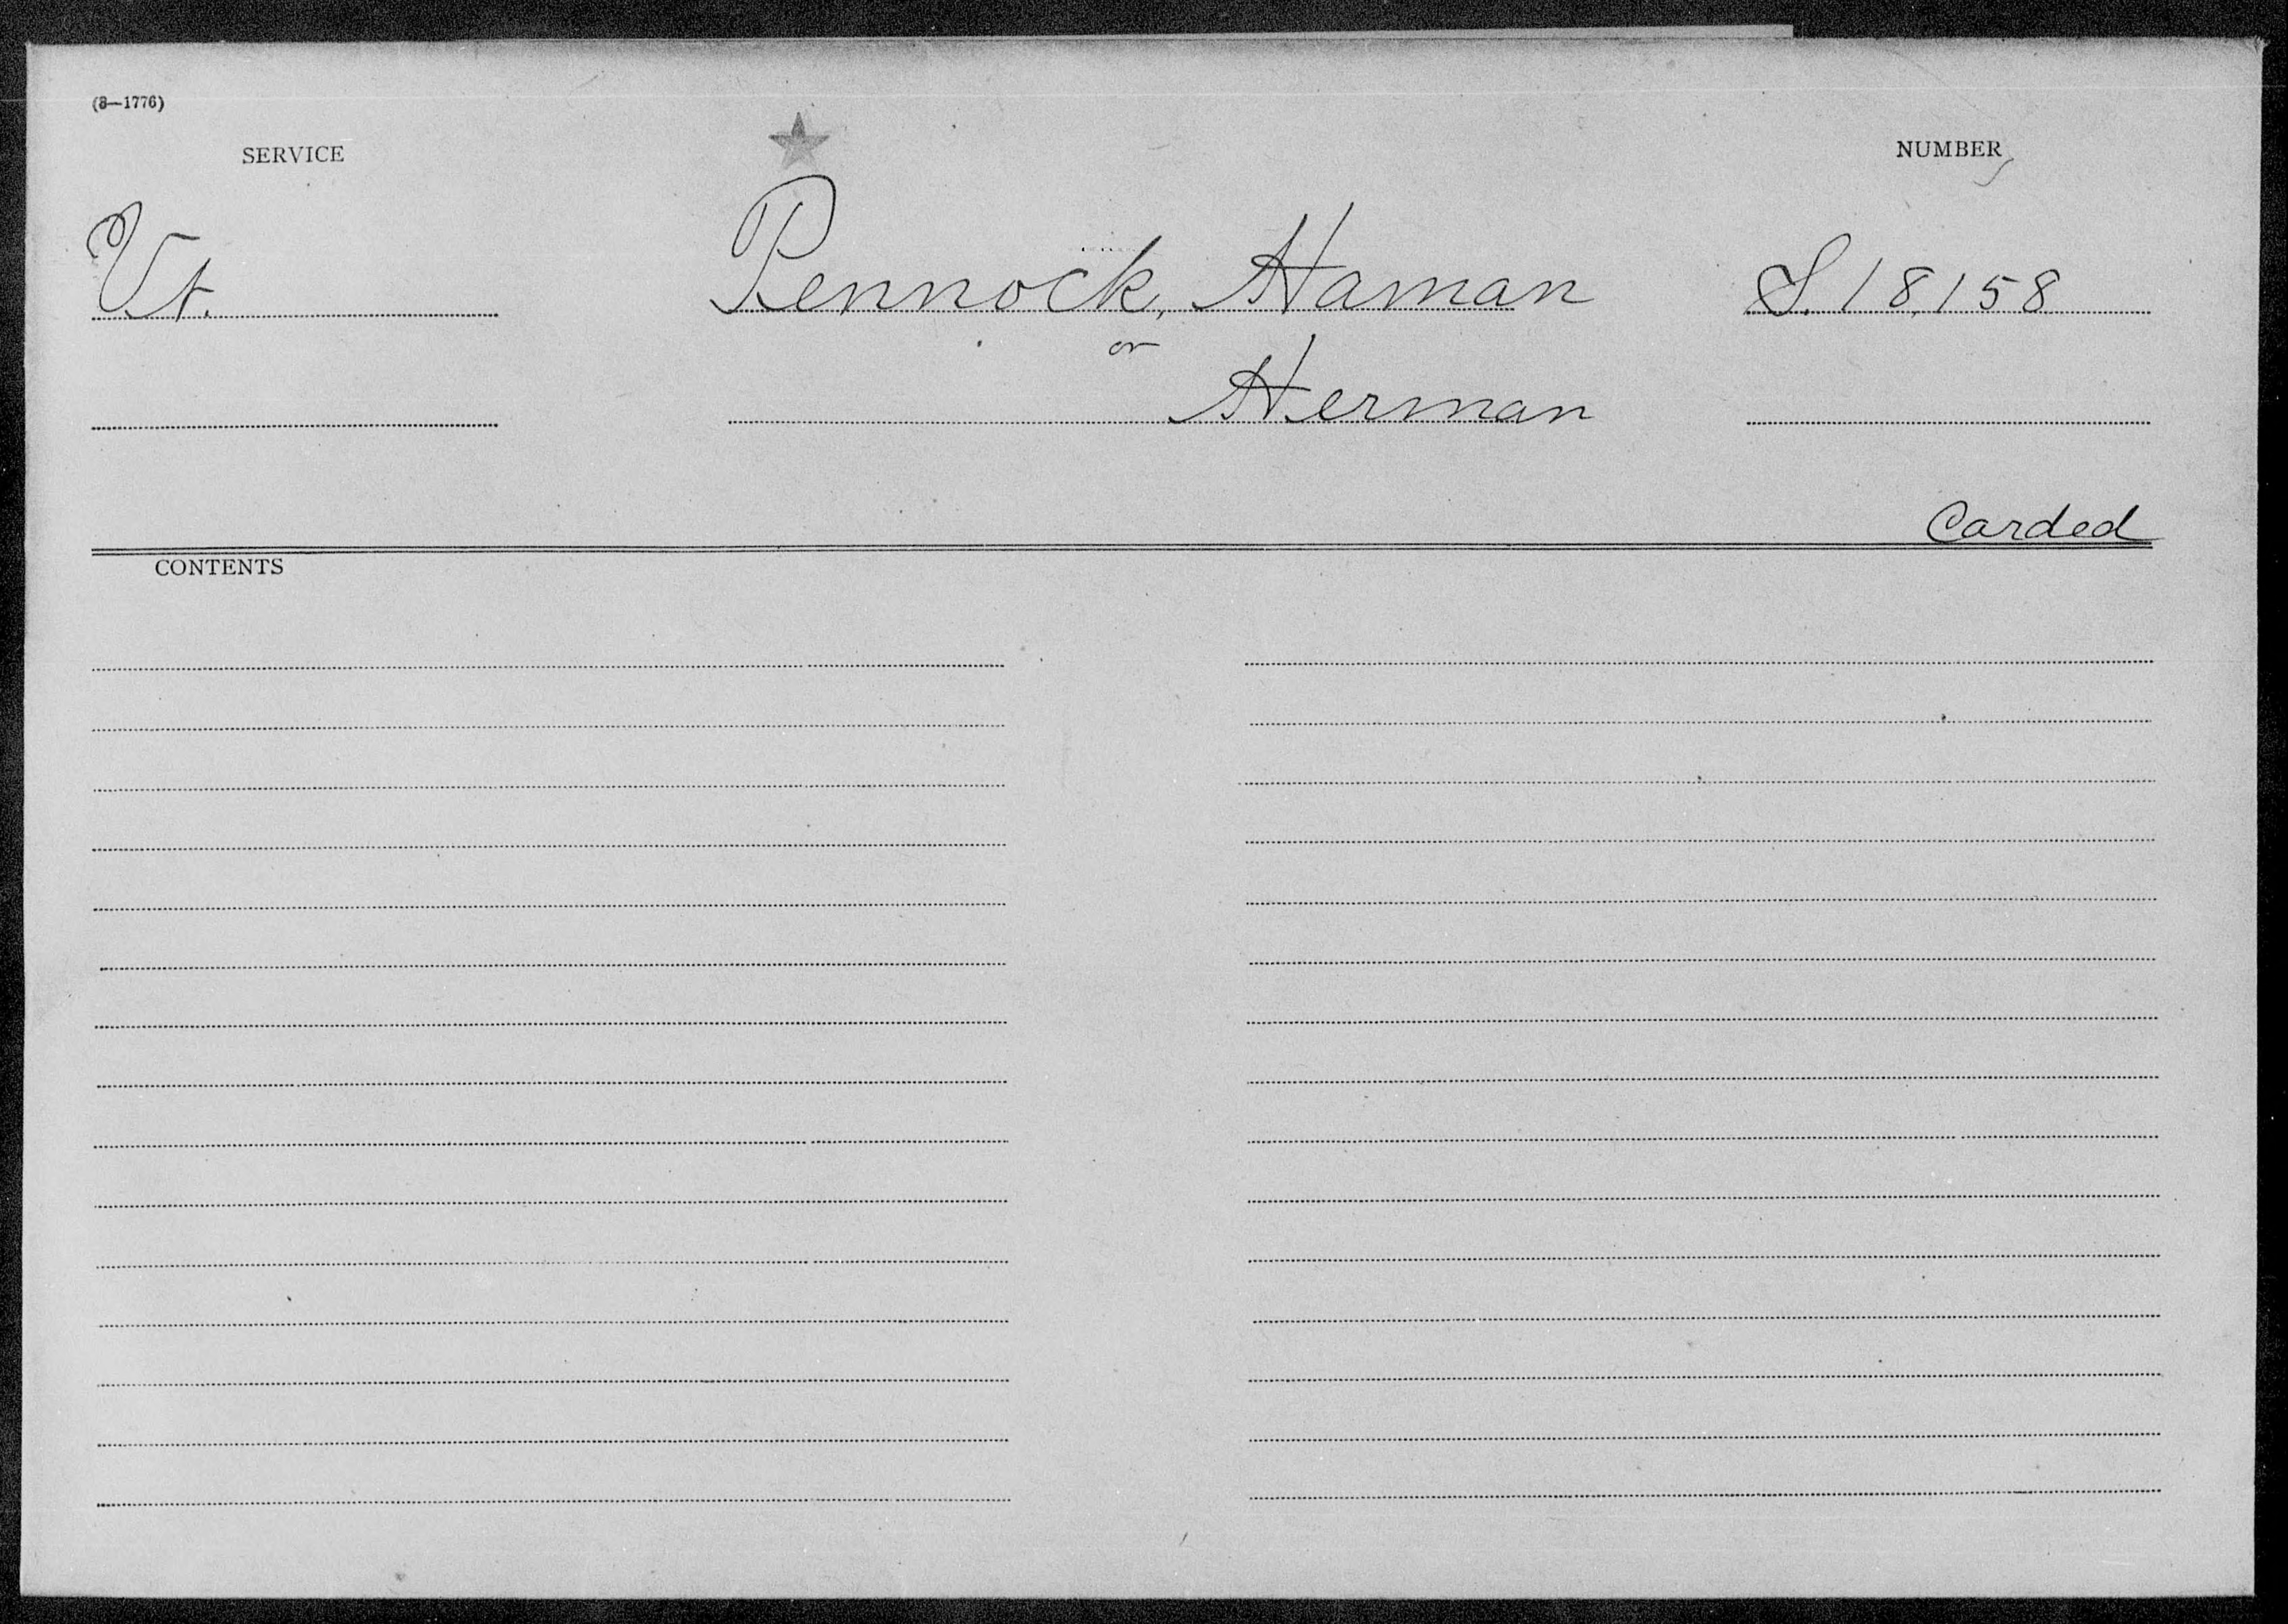(8-1776)

SERVICE
Vt.

NUMBER
S. 18158

[star]
Pennock, Haman
or
Herman

Carded

CONTENTS
[blank]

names: Herman Pennock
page: 1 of 12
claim: survivor's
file: S. 18,158, for Haman Pennock, Vermont